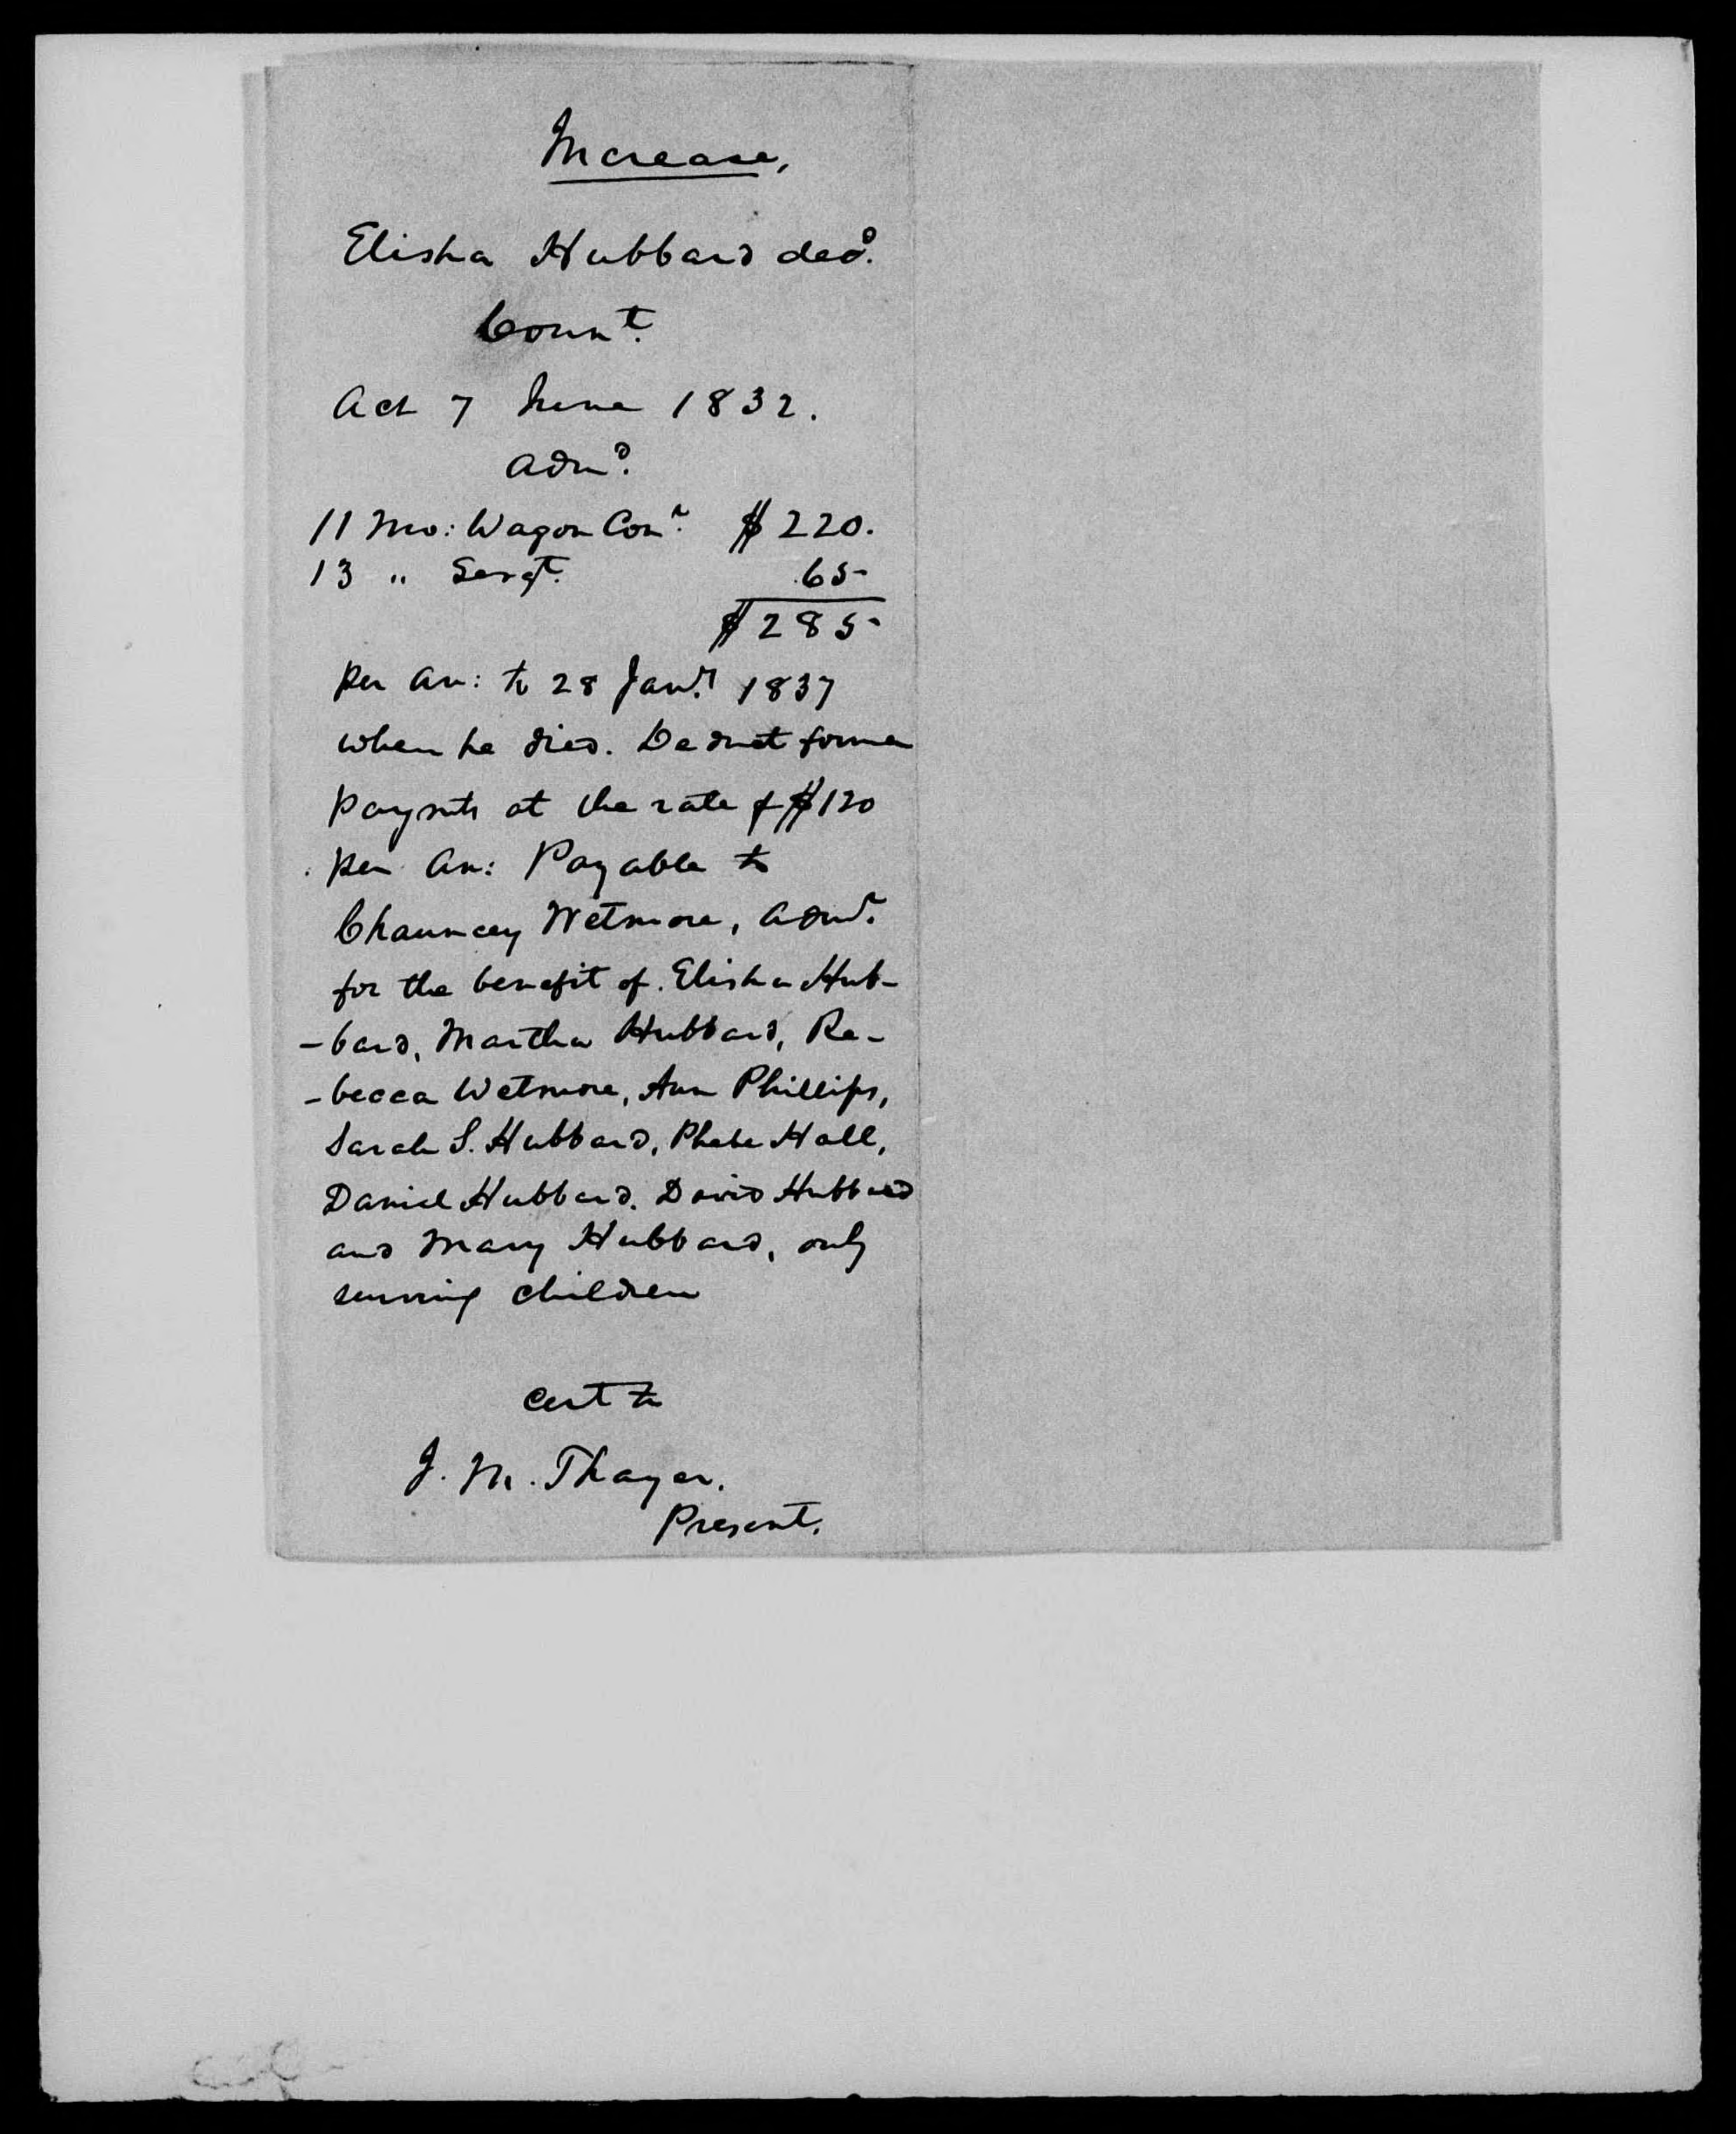Increase, 

Elisha Hubbard decd.
Connt.
Act 7 June 1832
Adm.

11 mo: Wagon Conr.      $220.
13 mos Sergt.                     65
                                        $285

per an:  to 28 Jan 7 1837When he died.  Deduct from paymts at the rate of $120 per an:  Payable to Chauncey Wetmore, Adm. for the benefit of. Elisha Hubbard, Martha Hubbard, Rebecca Wetmore, Ann Phillips, Sarah L. Hubbard, Phebe Hall, Daniel Hubbard. David Hubbard and Mary Hubbard, only surviving children  

Cert 

J. M. thayer.
Present.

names: Rebecca Wetmore, Sarah S Hubbard, Mary Hubbard, Martha Hubbard, David Hubbard, Ann Phillips, Elisha Hubbard, Phebe Hall, Chauncey Wetmore, Daniel Hubbard, J M Thayer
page: 35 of 63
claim: survivor's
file: S. 18457, Elisha Hubbard, Conn. Continental